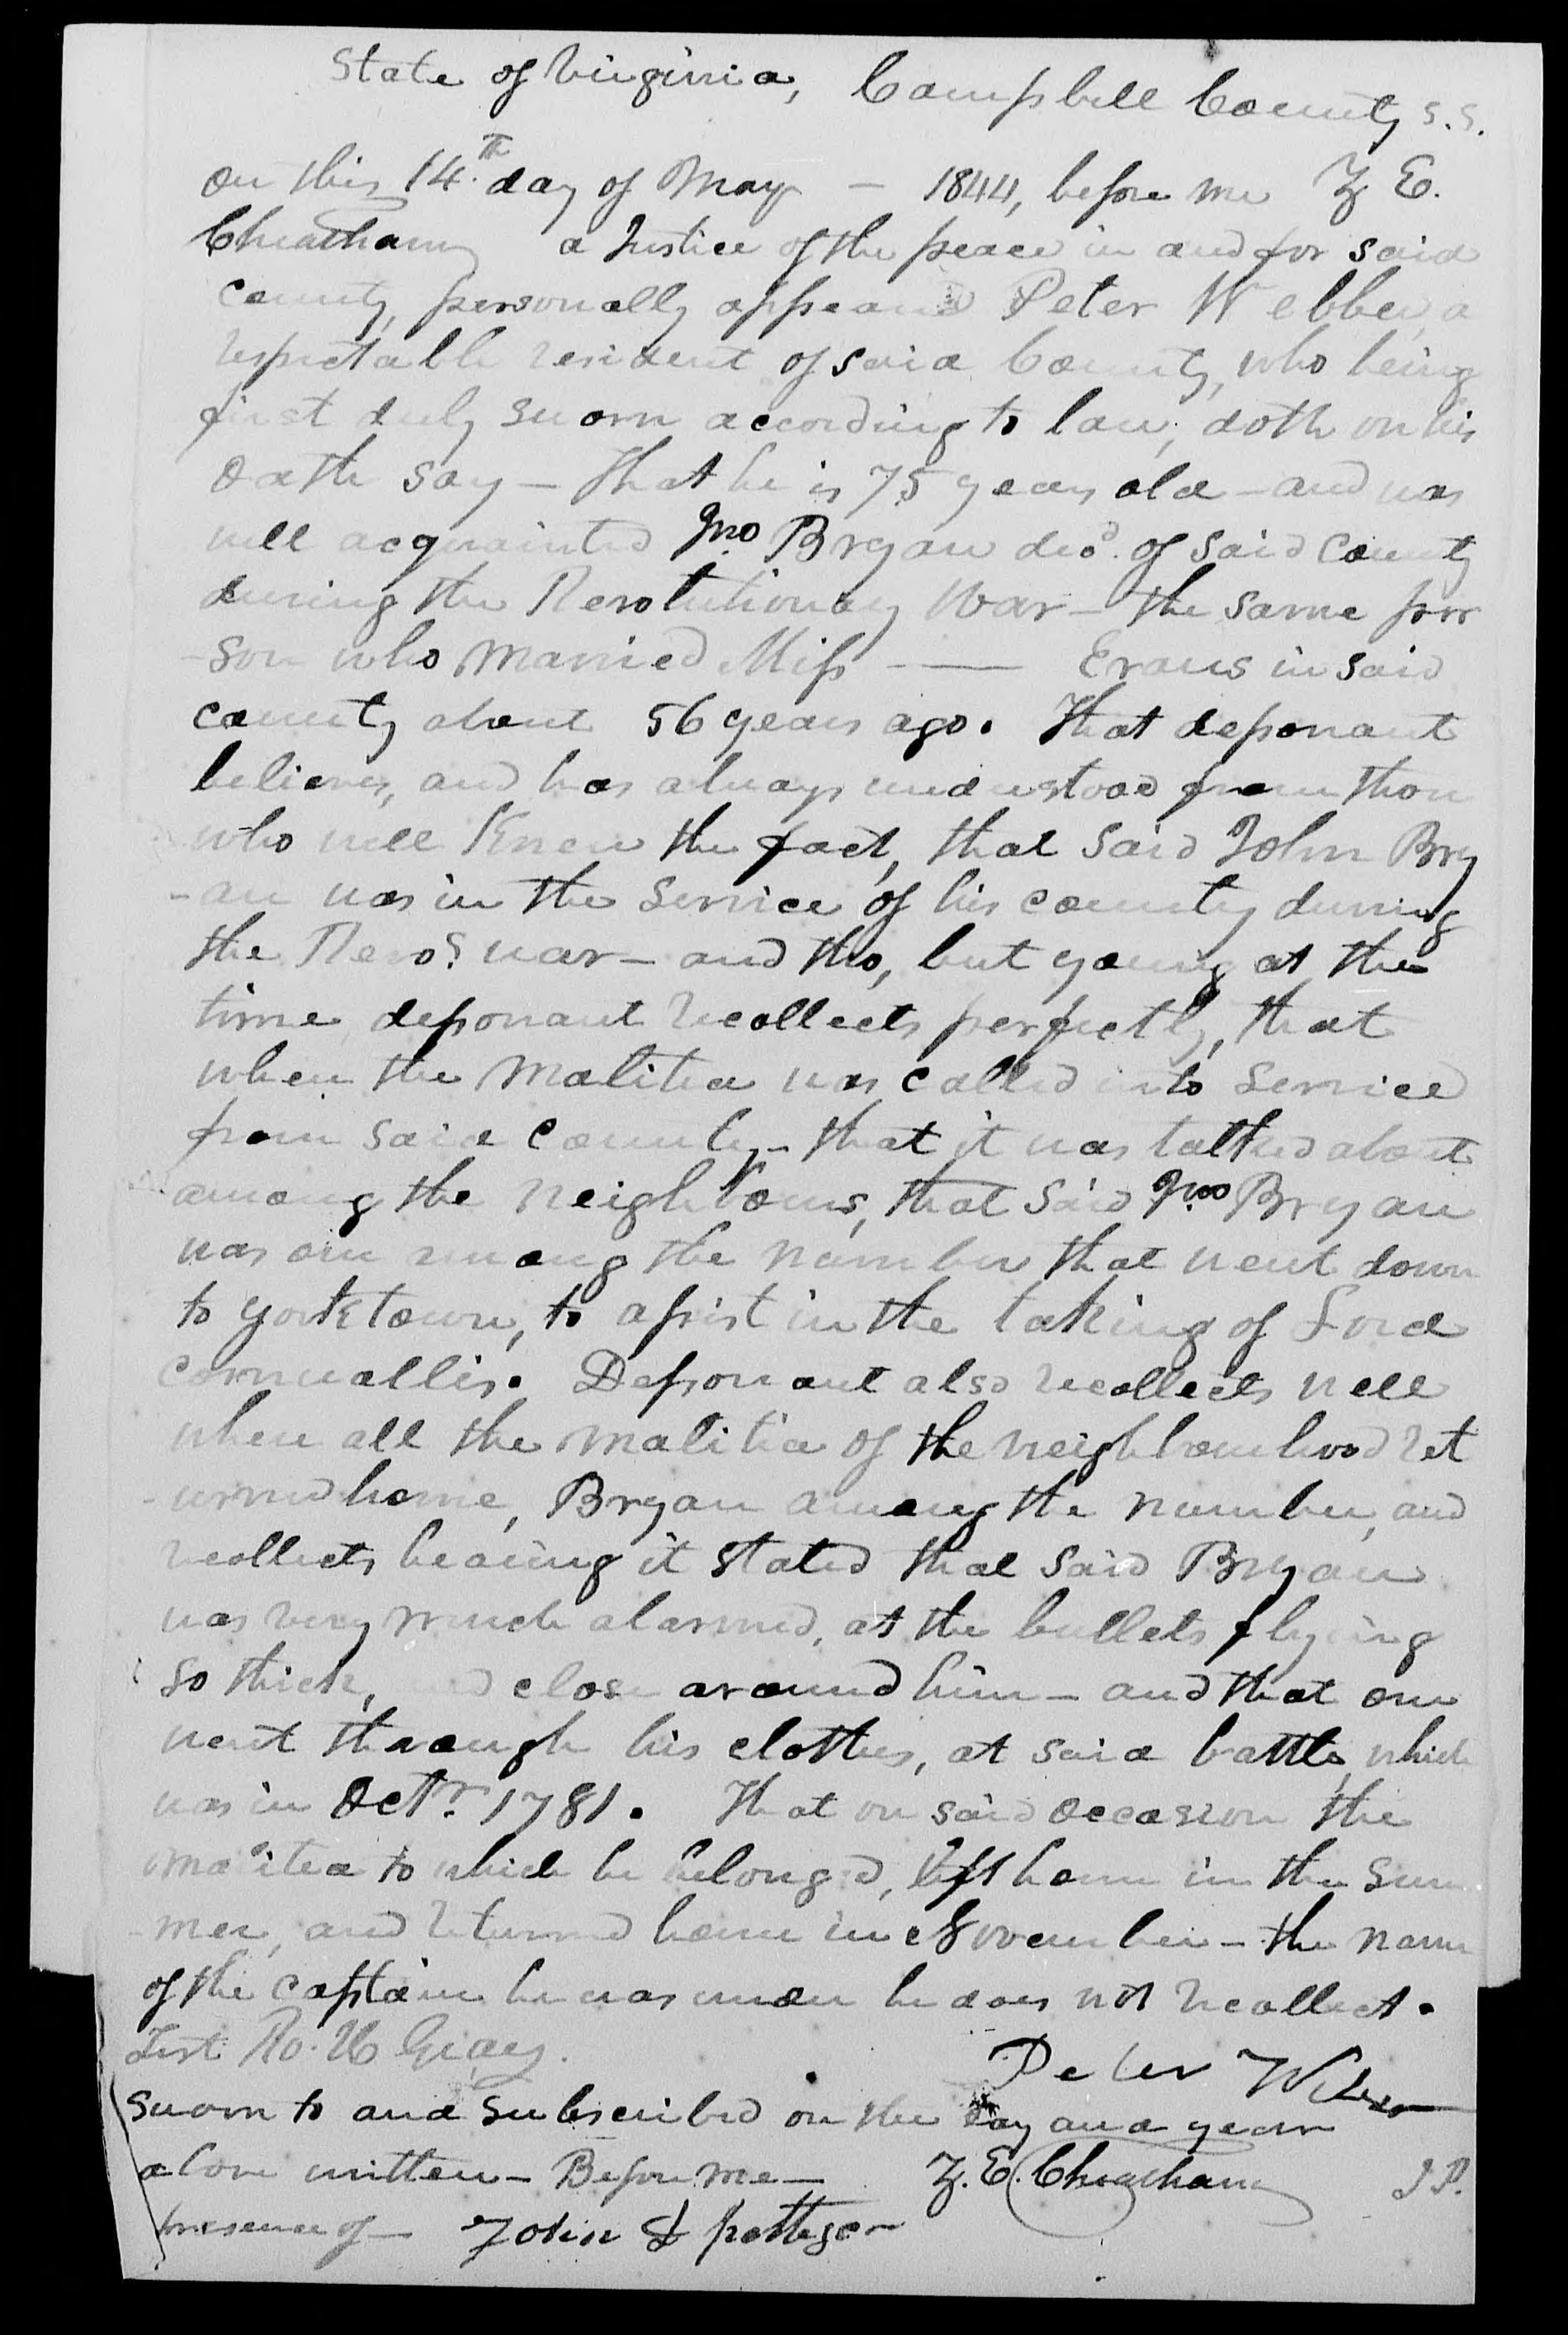State of Virginia, Campbell County, S.S.

On this 14th . day of May - 1844, before me Z. E. Cheatham, a Justice of the peace in and for said county, personally appeared Peter W. Oblesby a respectable resident of said county, who being first duly sworn according to law, doth on his oath say - That he is 75 years old -  and was well acquainted Jno. Bryan [illegible] of said county during the Revolutionary War - the same for him who married Miss ____ Evans in said county about 56 years ago. That deponent is believing, and has always understood from those who well knew the fact, that said John Bryan was in the service of his country during the Revos war - and who, but a youth at that time deponent recollects perfectly, that when the militia was called into service from said county - that it was talked about among the neighbors, that said Jno. Bryan was one among the men that who went down to Yorktown, to assist in the taking of [illegible] Cornwallis. Deponent and also recollects well when all the militia of the neighborhood let wounded home, Bryan among the number, and recollects hearing it stated that said Bryan was very much alarmed at the bullets flying so thick, and close around him - and that one went through his clothes, at said battle which was in Oct 1781. That on said occasion the militia to which he belonged; left home in the Summer, and untamed [illegible] in of [illegible] – the name of the Catherine he ran under he does not recollect.

Best Ro. H Gray Peter Webber

Peter W. Oblesby 

Sworn to and subscribed in the day and year 
above written - Before me - [signature] Z. E. Cheatham J.P. 

messenger of – [signature] John D Pettigen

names: Z E Cheatham, Jno Bryan, Jno Bryan, Peter Webber, Bryan, John Bryan, Ro H Gray, John D Pettigen, Z E Cheatham, Evans, Bryan, Peter Weber, Cornwallis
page: 13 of 31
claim: widow's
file: W. 3759, John Bryan, Va.